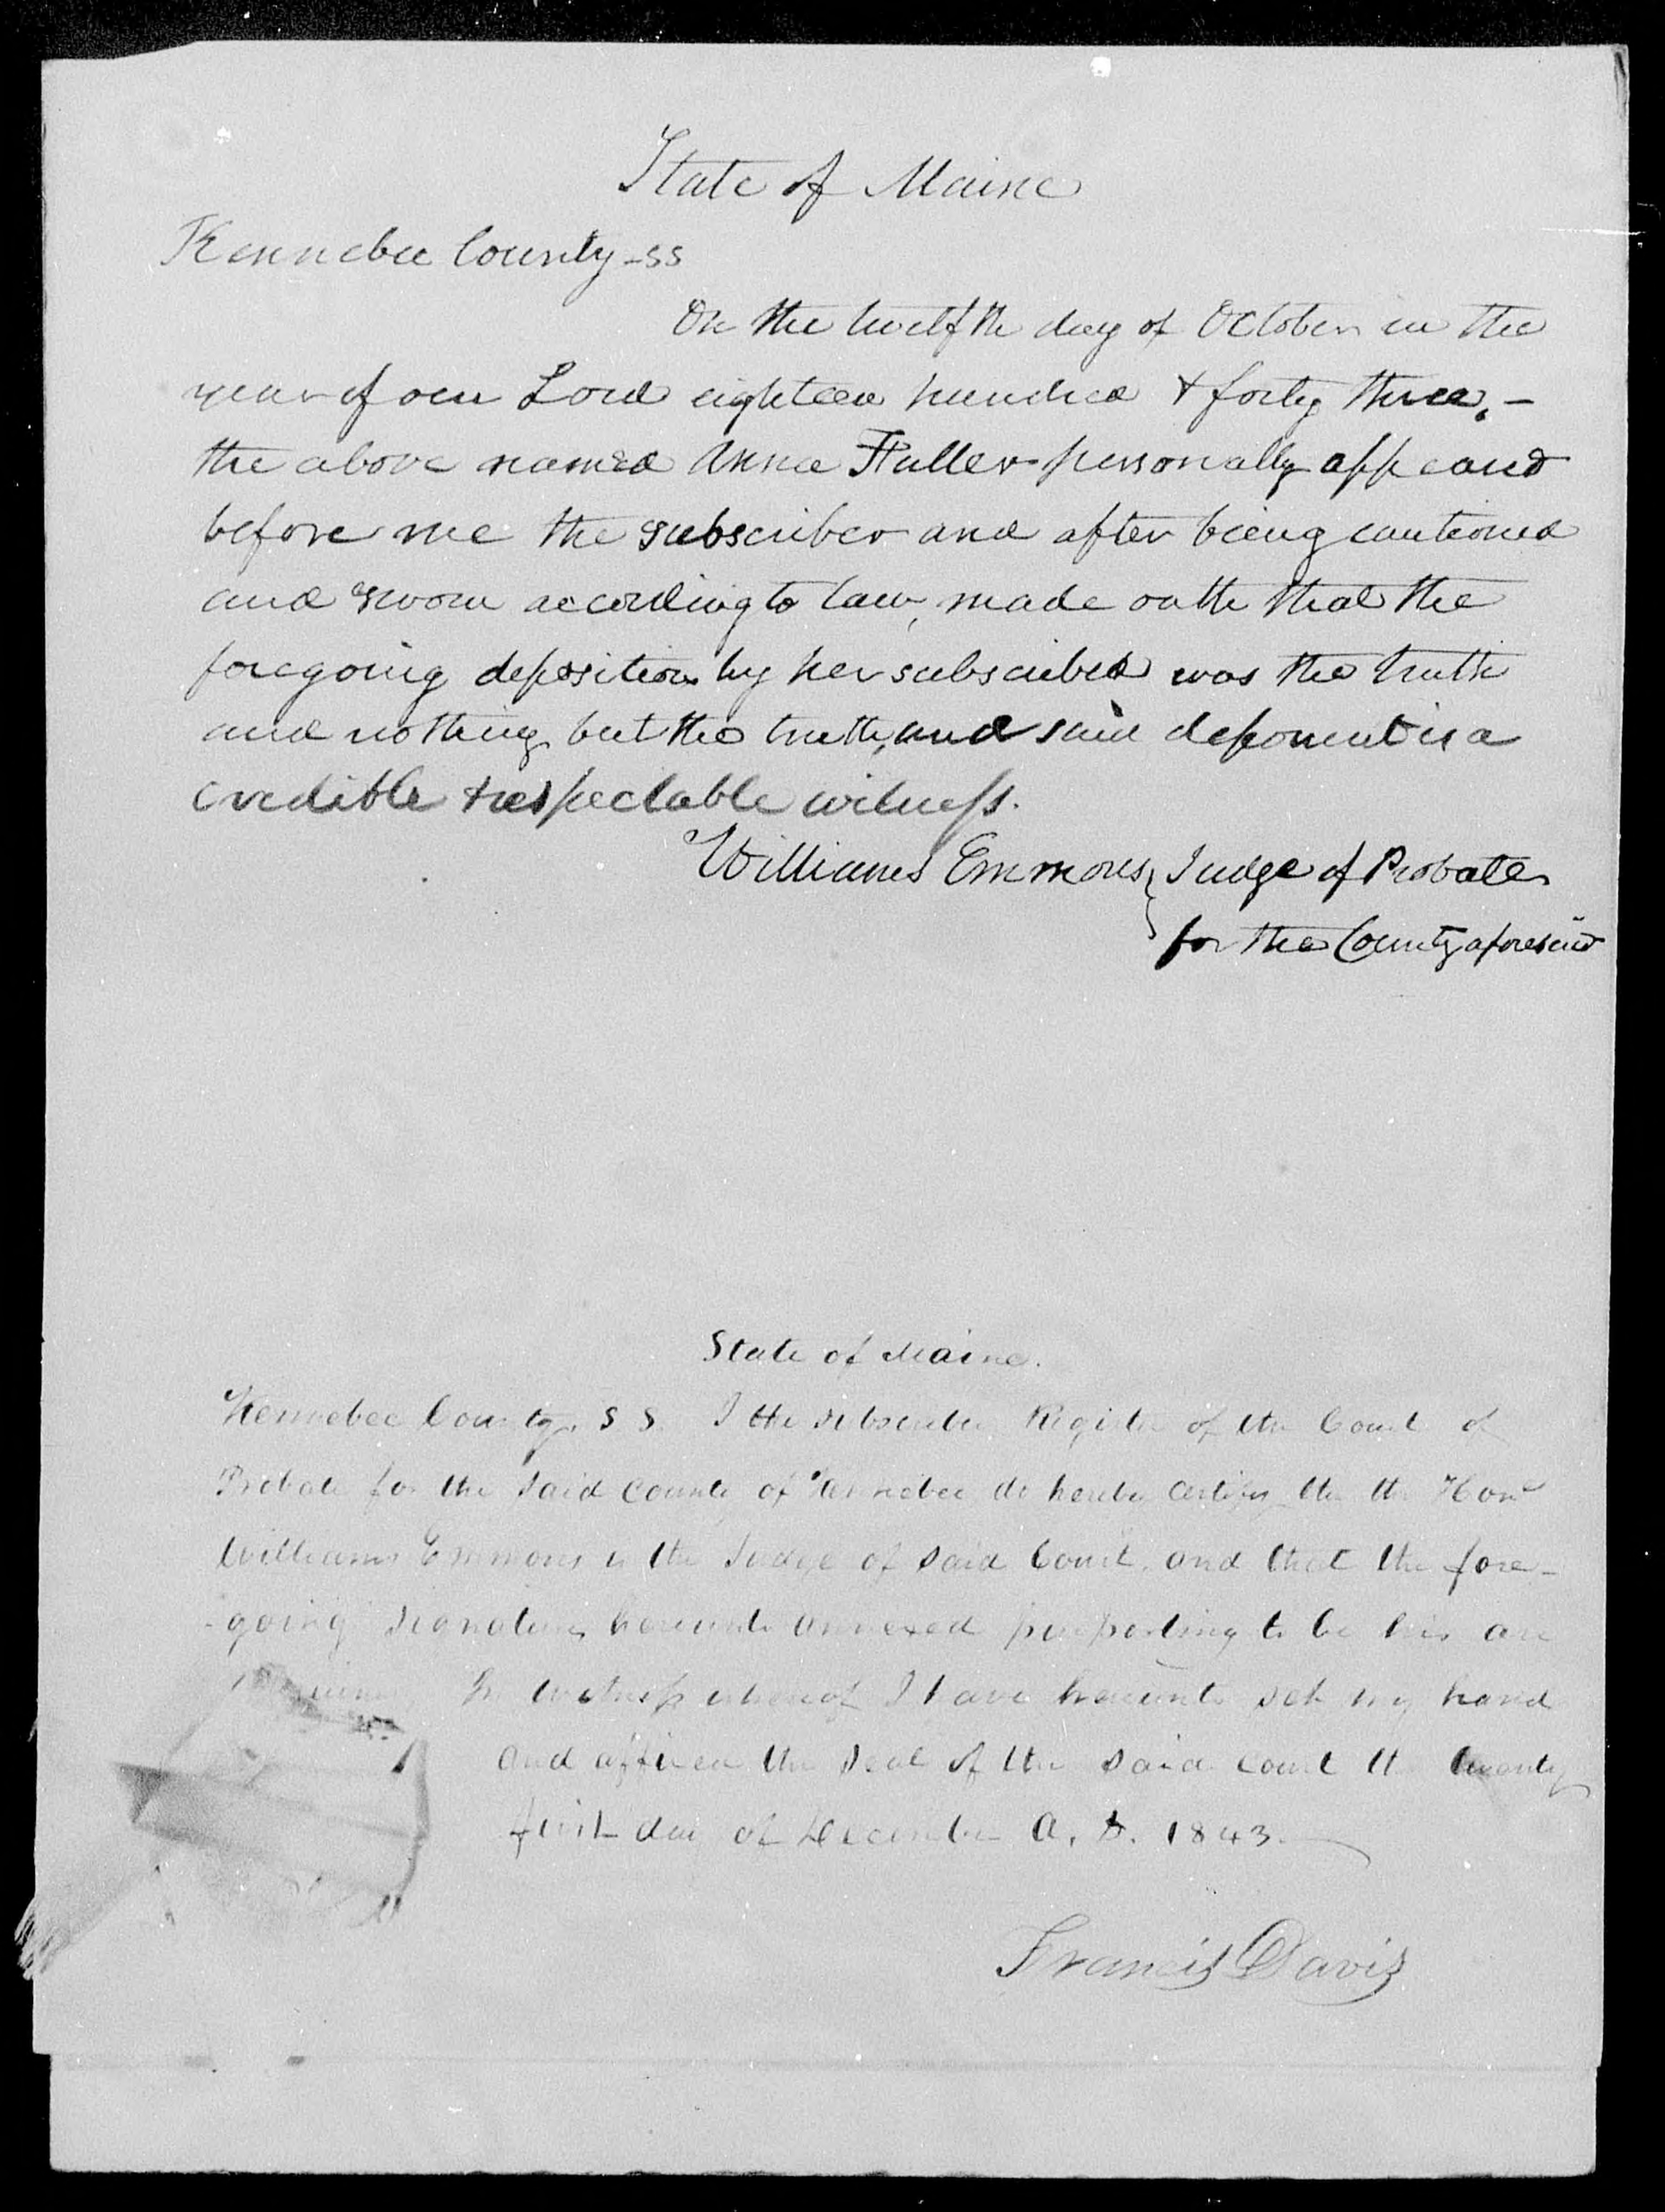State of Maine
Kennebec County- ss
On the twelfth day of October in the year of our Lord eighteen hundred & forty three.-
the above named Anna Fuller personally appeared before me the subscriber and after being cautioned and sworn according to law, made oath that the foregoing deposition by her subscribed was the truth and nothing but the truth, and said deponent is a credible & respectable witness.
Williams Emmons } Judge of Probate for the County aforesaid
State of Maine.
Kennebec County ss. I the subscriber Register of the Court of Probate for the said County of Kennebec do hereby certify [illegible] Hon’ Williams Edmonds as the Judge of said Court and that the foregoing signature herewith annexed purporting to be his are genuine In witness whereof I have hereunto set my hand and affixed the seal of the said Court this County first day of December A.D. 1843_
Francis Davis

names: Anna Fuller, Williams Emmons, Francis Davis, William Emmons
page: 13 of 45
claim: widow's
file: W. 17933, William Fuller, Mass